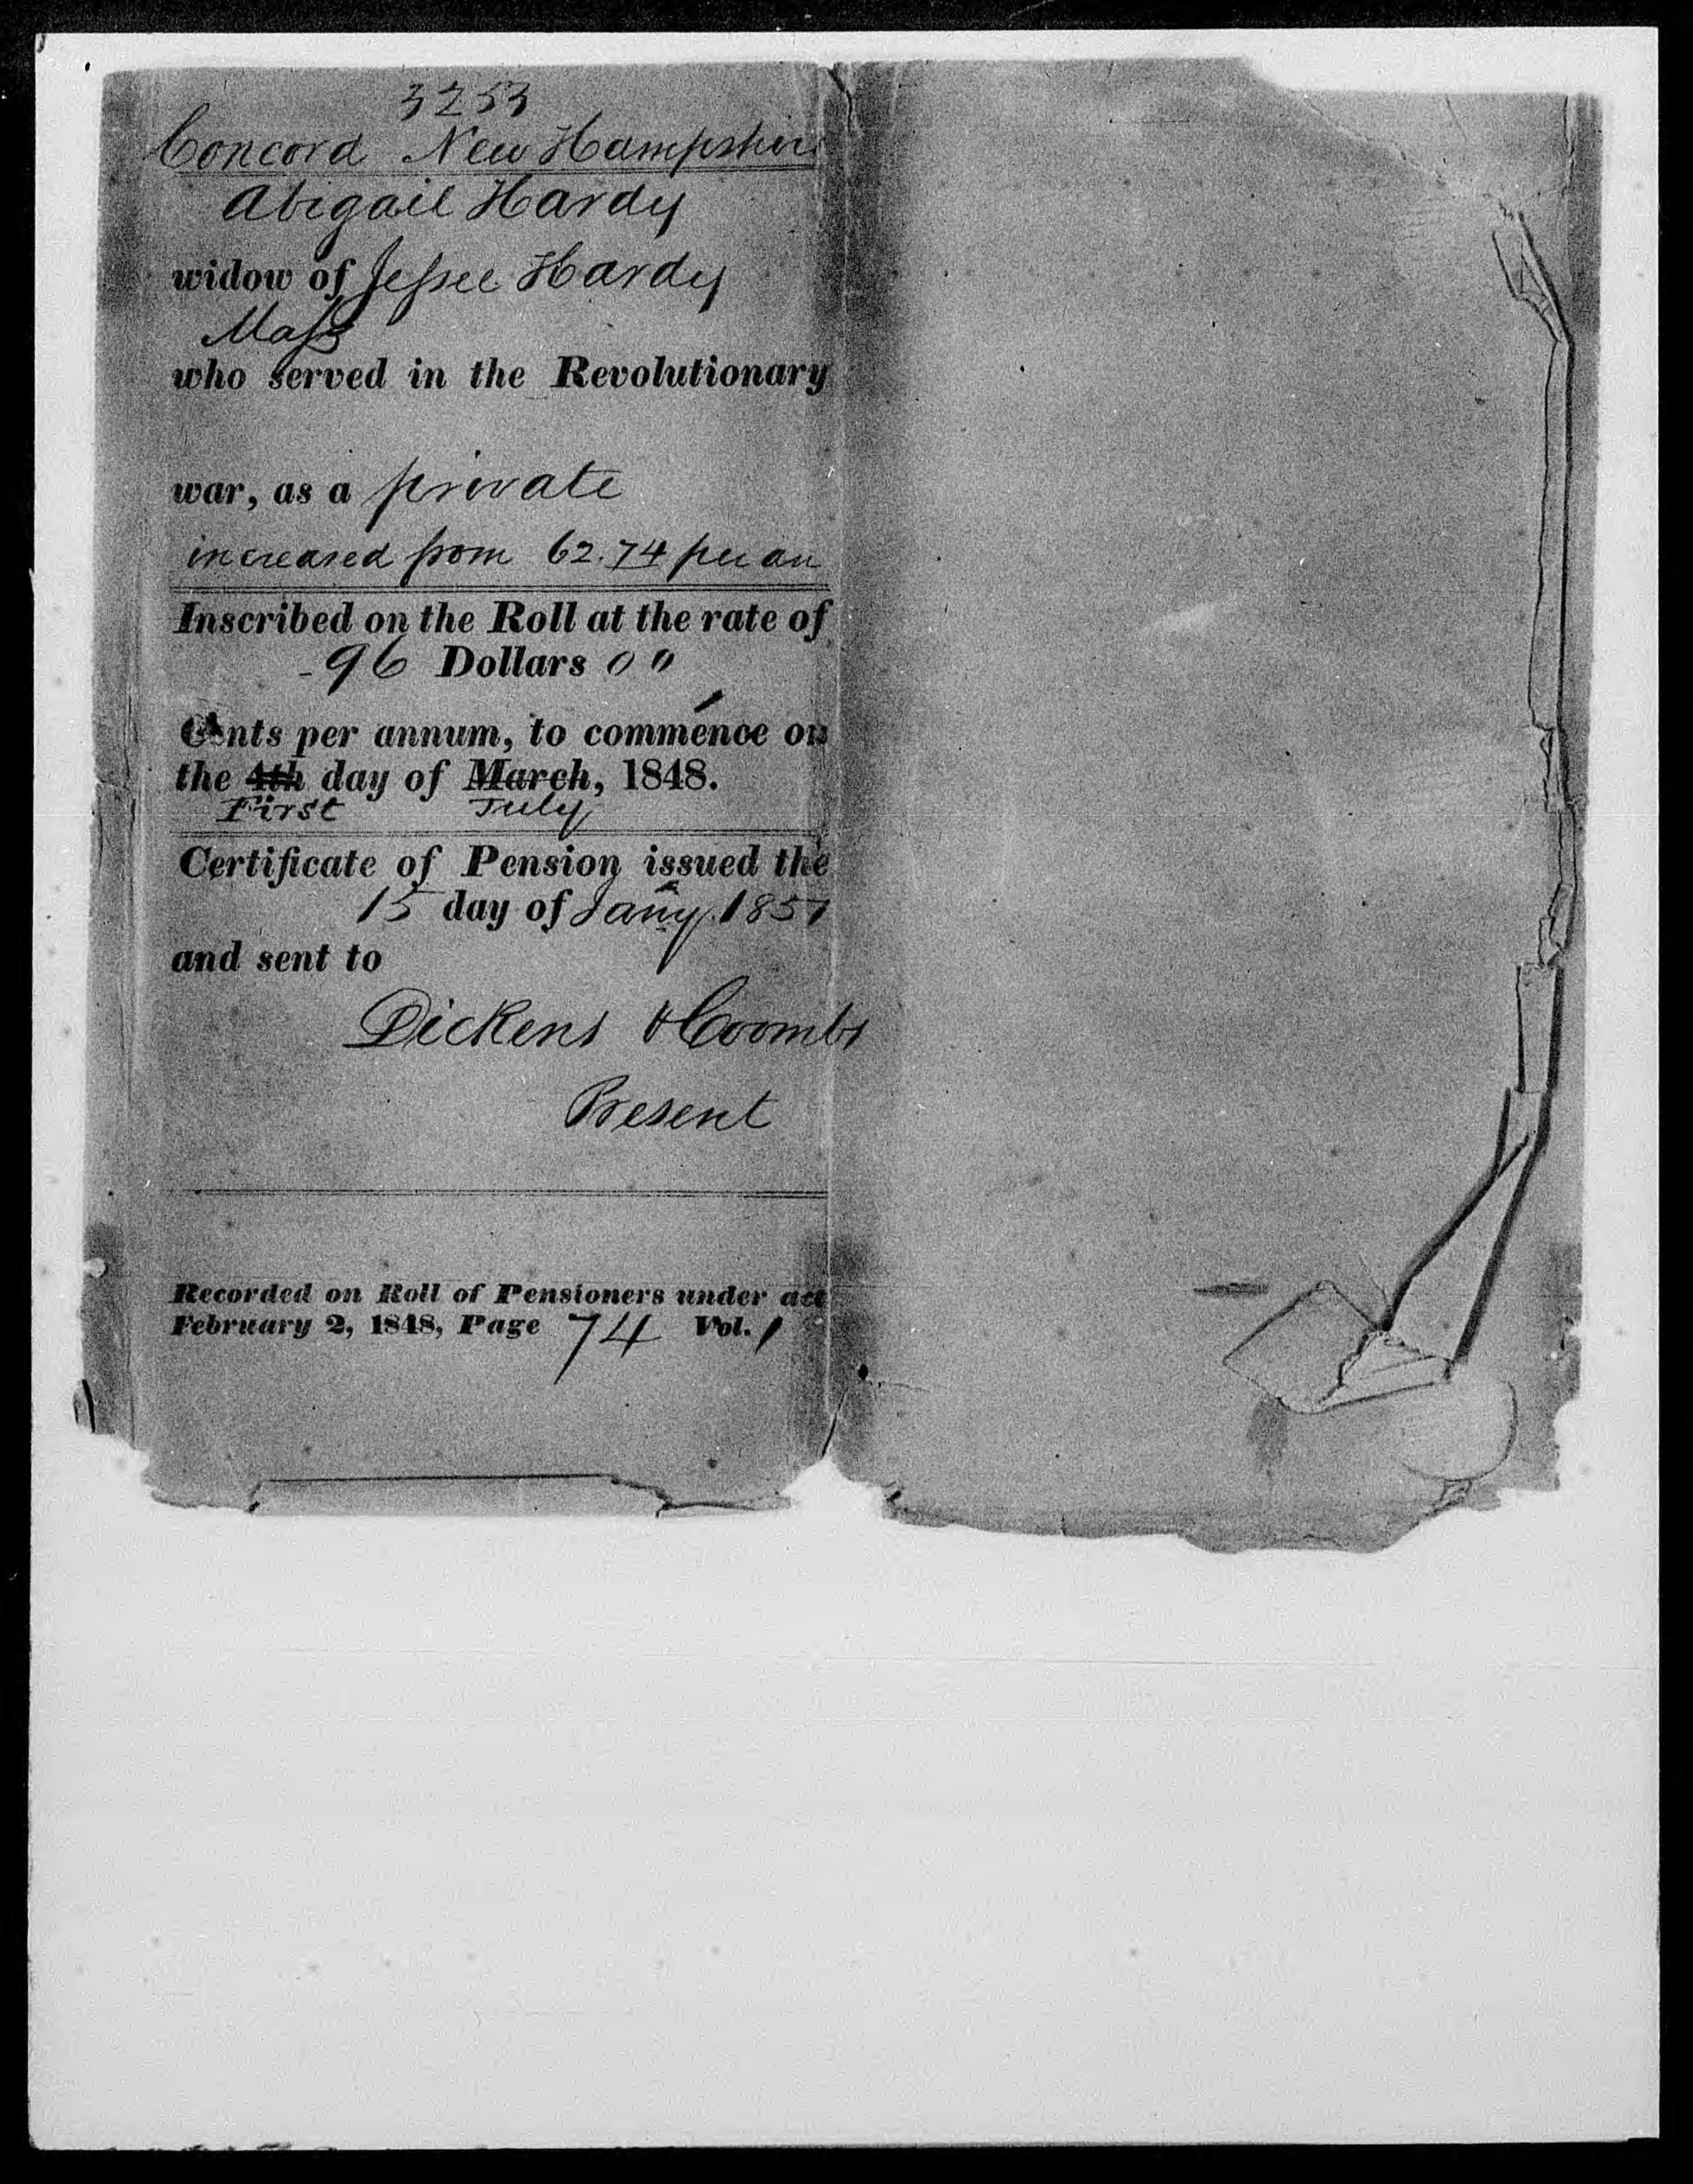3253
Concord New Hampshire
Abigail Hardy
widow of Jessee Hardy
Mass
who served in the Revolutionary war
, as a private
increased from 62.74 per an

Inscribed on the Roll at the rate of
96 Dollars
Cents per annum, to commence on
the first day of july, 1848.

Certificate of Pension issued the
15 day of January 1857
and sent to
Dickens Coombs
Present
Recorded on Roll of Pensioners under
February 2, 1848, Page 74 vol 1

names: Coombs, Dickens, Jessee Hardy, Abigail Hardy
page: 3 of 67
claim: widow's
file: W. 23183, Jesse Hardy, Mass.